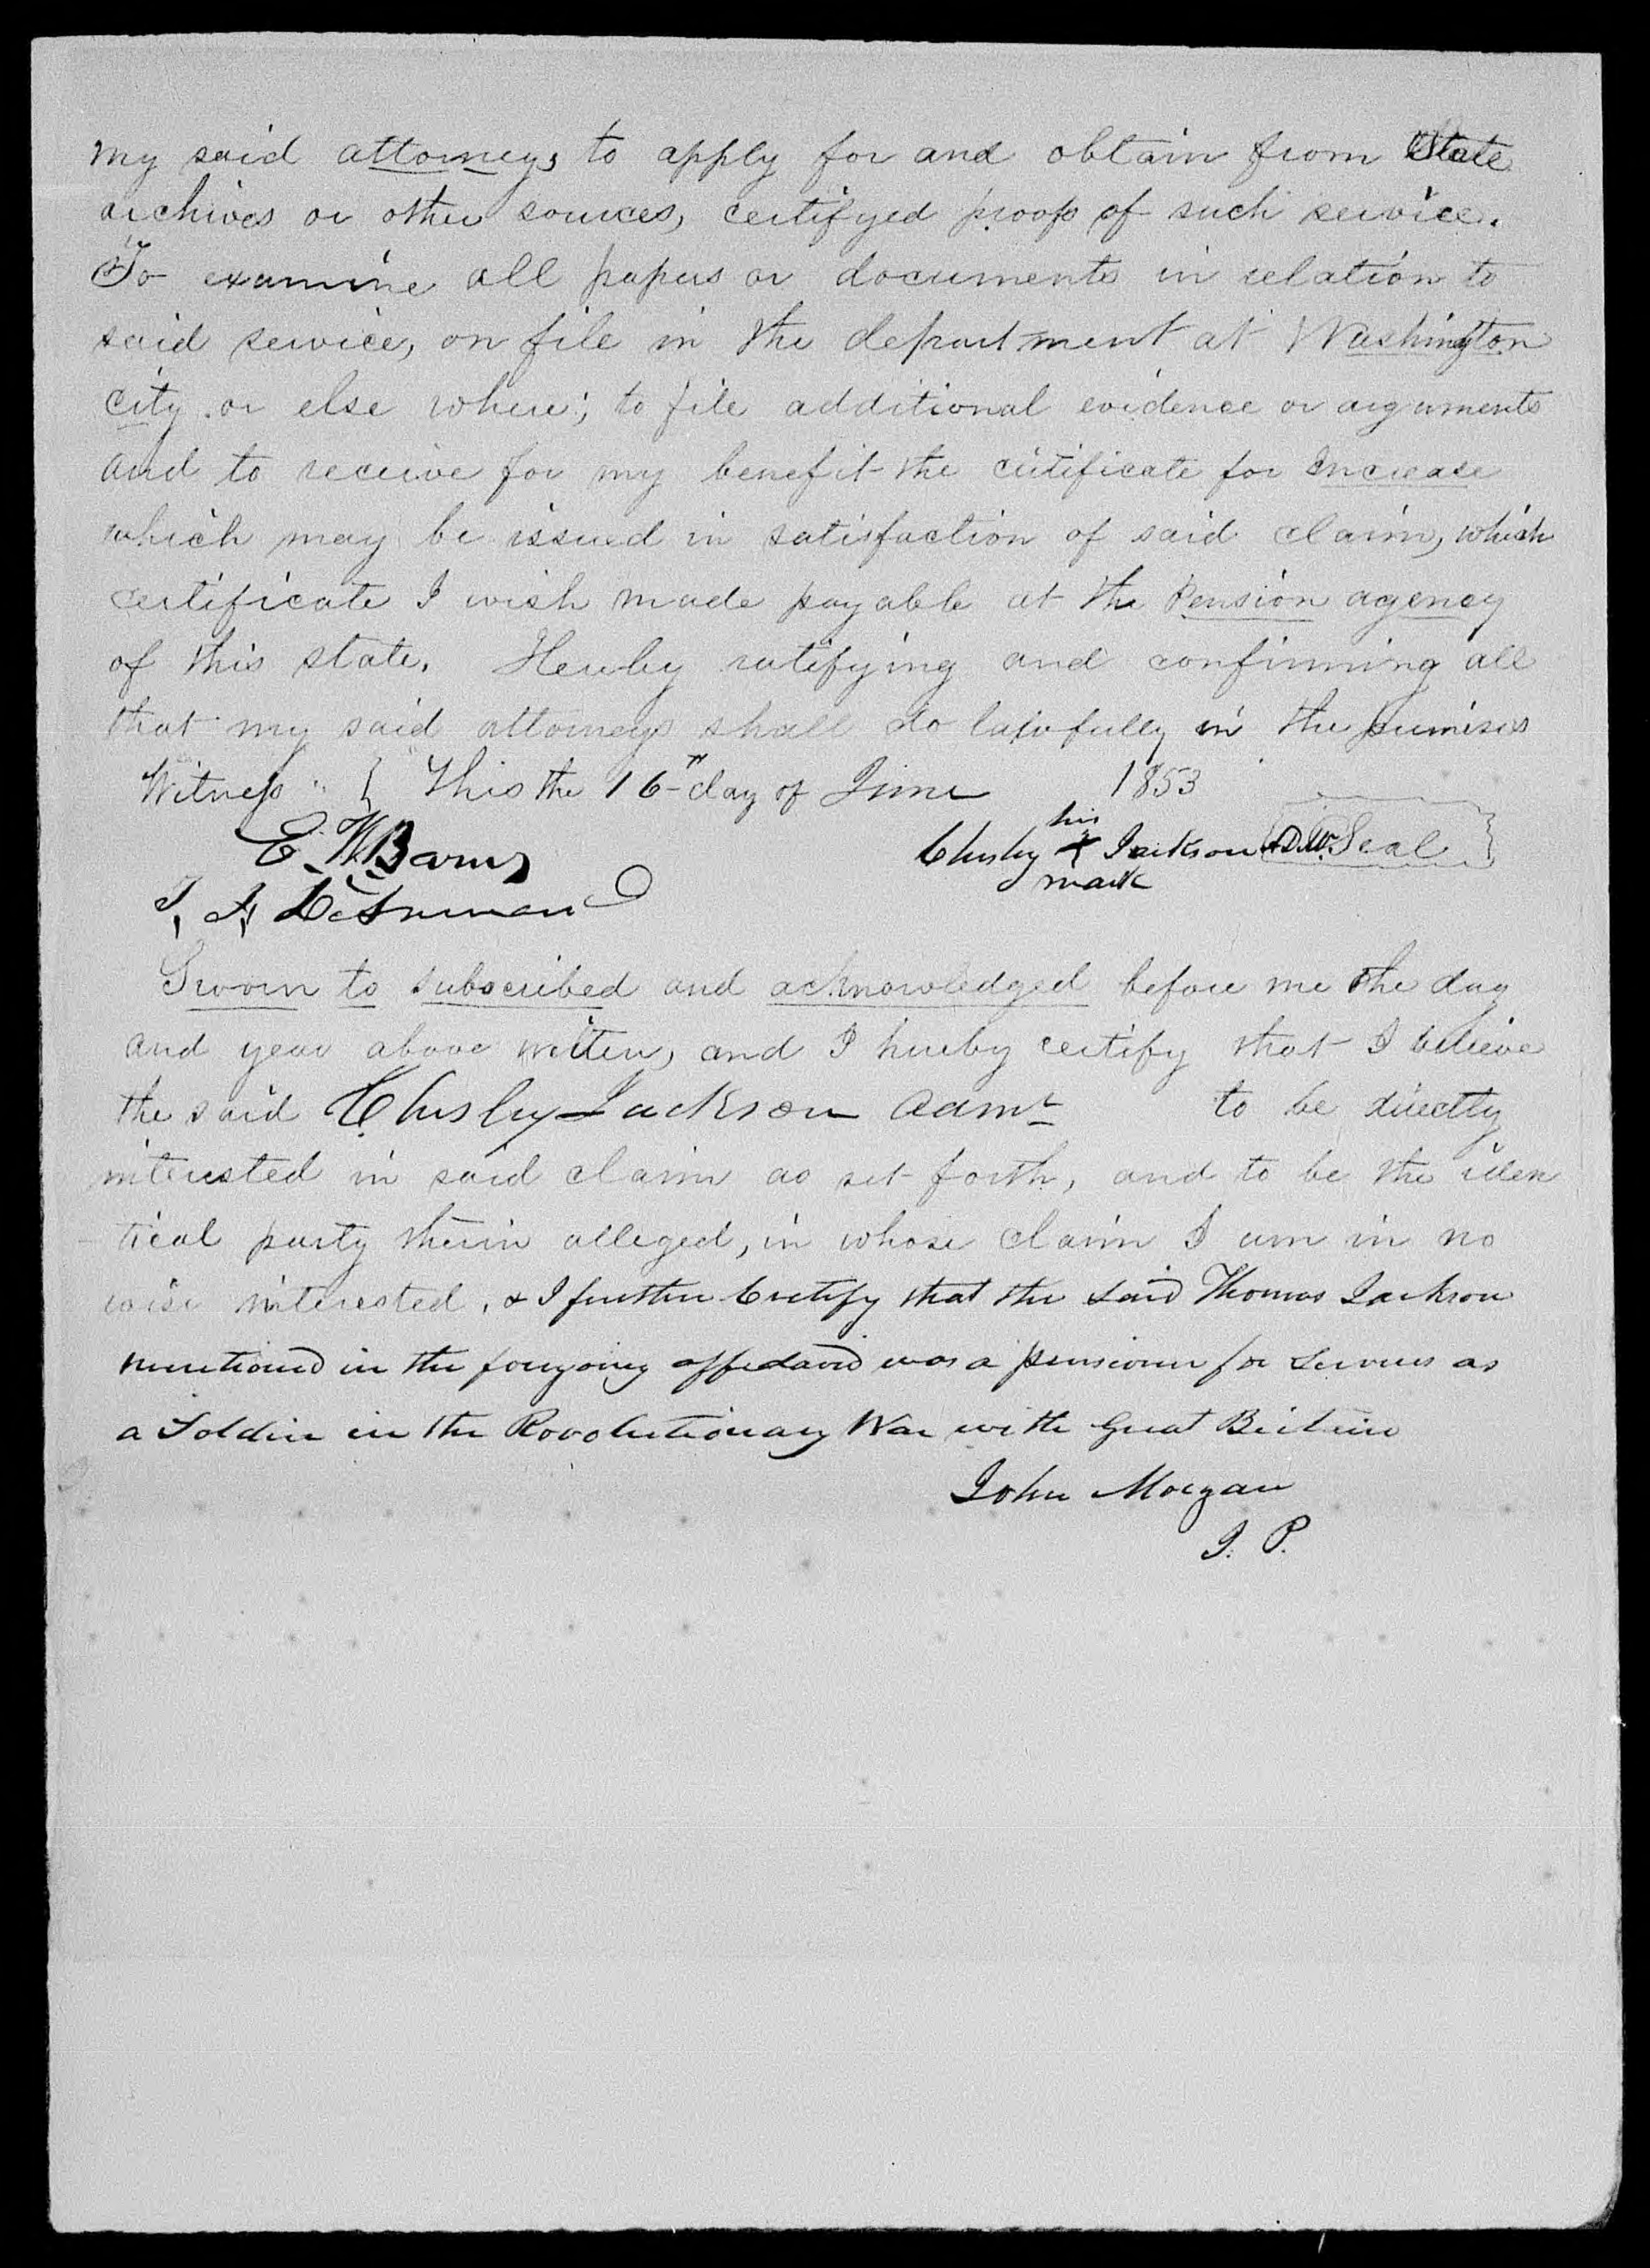my said attorneys to apply for and obtain from State archives or other sources, certifyed proof of such service. To examine all papers or documents in relation to said service, on file in the department at Washington City or else where to file additional evidence or arguments and to receive for my benefit the certificate for increase which may be issued in satisfaction of said claim, which certificate I wish made payable at the Pension agency of this State, Hereby ratifying and confirming all that my said attorneys shall do lawfully in the premises
Chesley X Jackson his mark [signature]

Witness this the 16th day of June 1853
E W  Burns. 
FF Desmond

Sworn to subscribed and acknowledged before me the day and year above written, and I hereby certify that I believe the said Chesley Jackson Admr to be directly interested in said claim as set forth, and to be the identical party therein alleged, in whose claim I am in no wise interested, & I further certify that the said Thomas Jackson mentioned in the foregoing affidavit was a pensioner for services as a Soldier in the Revolutionary War with Great Britain
John Morgan J.P.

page: 37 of 54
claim: survivor's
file: S. 31166, for Thomas Jackson, South Carolina